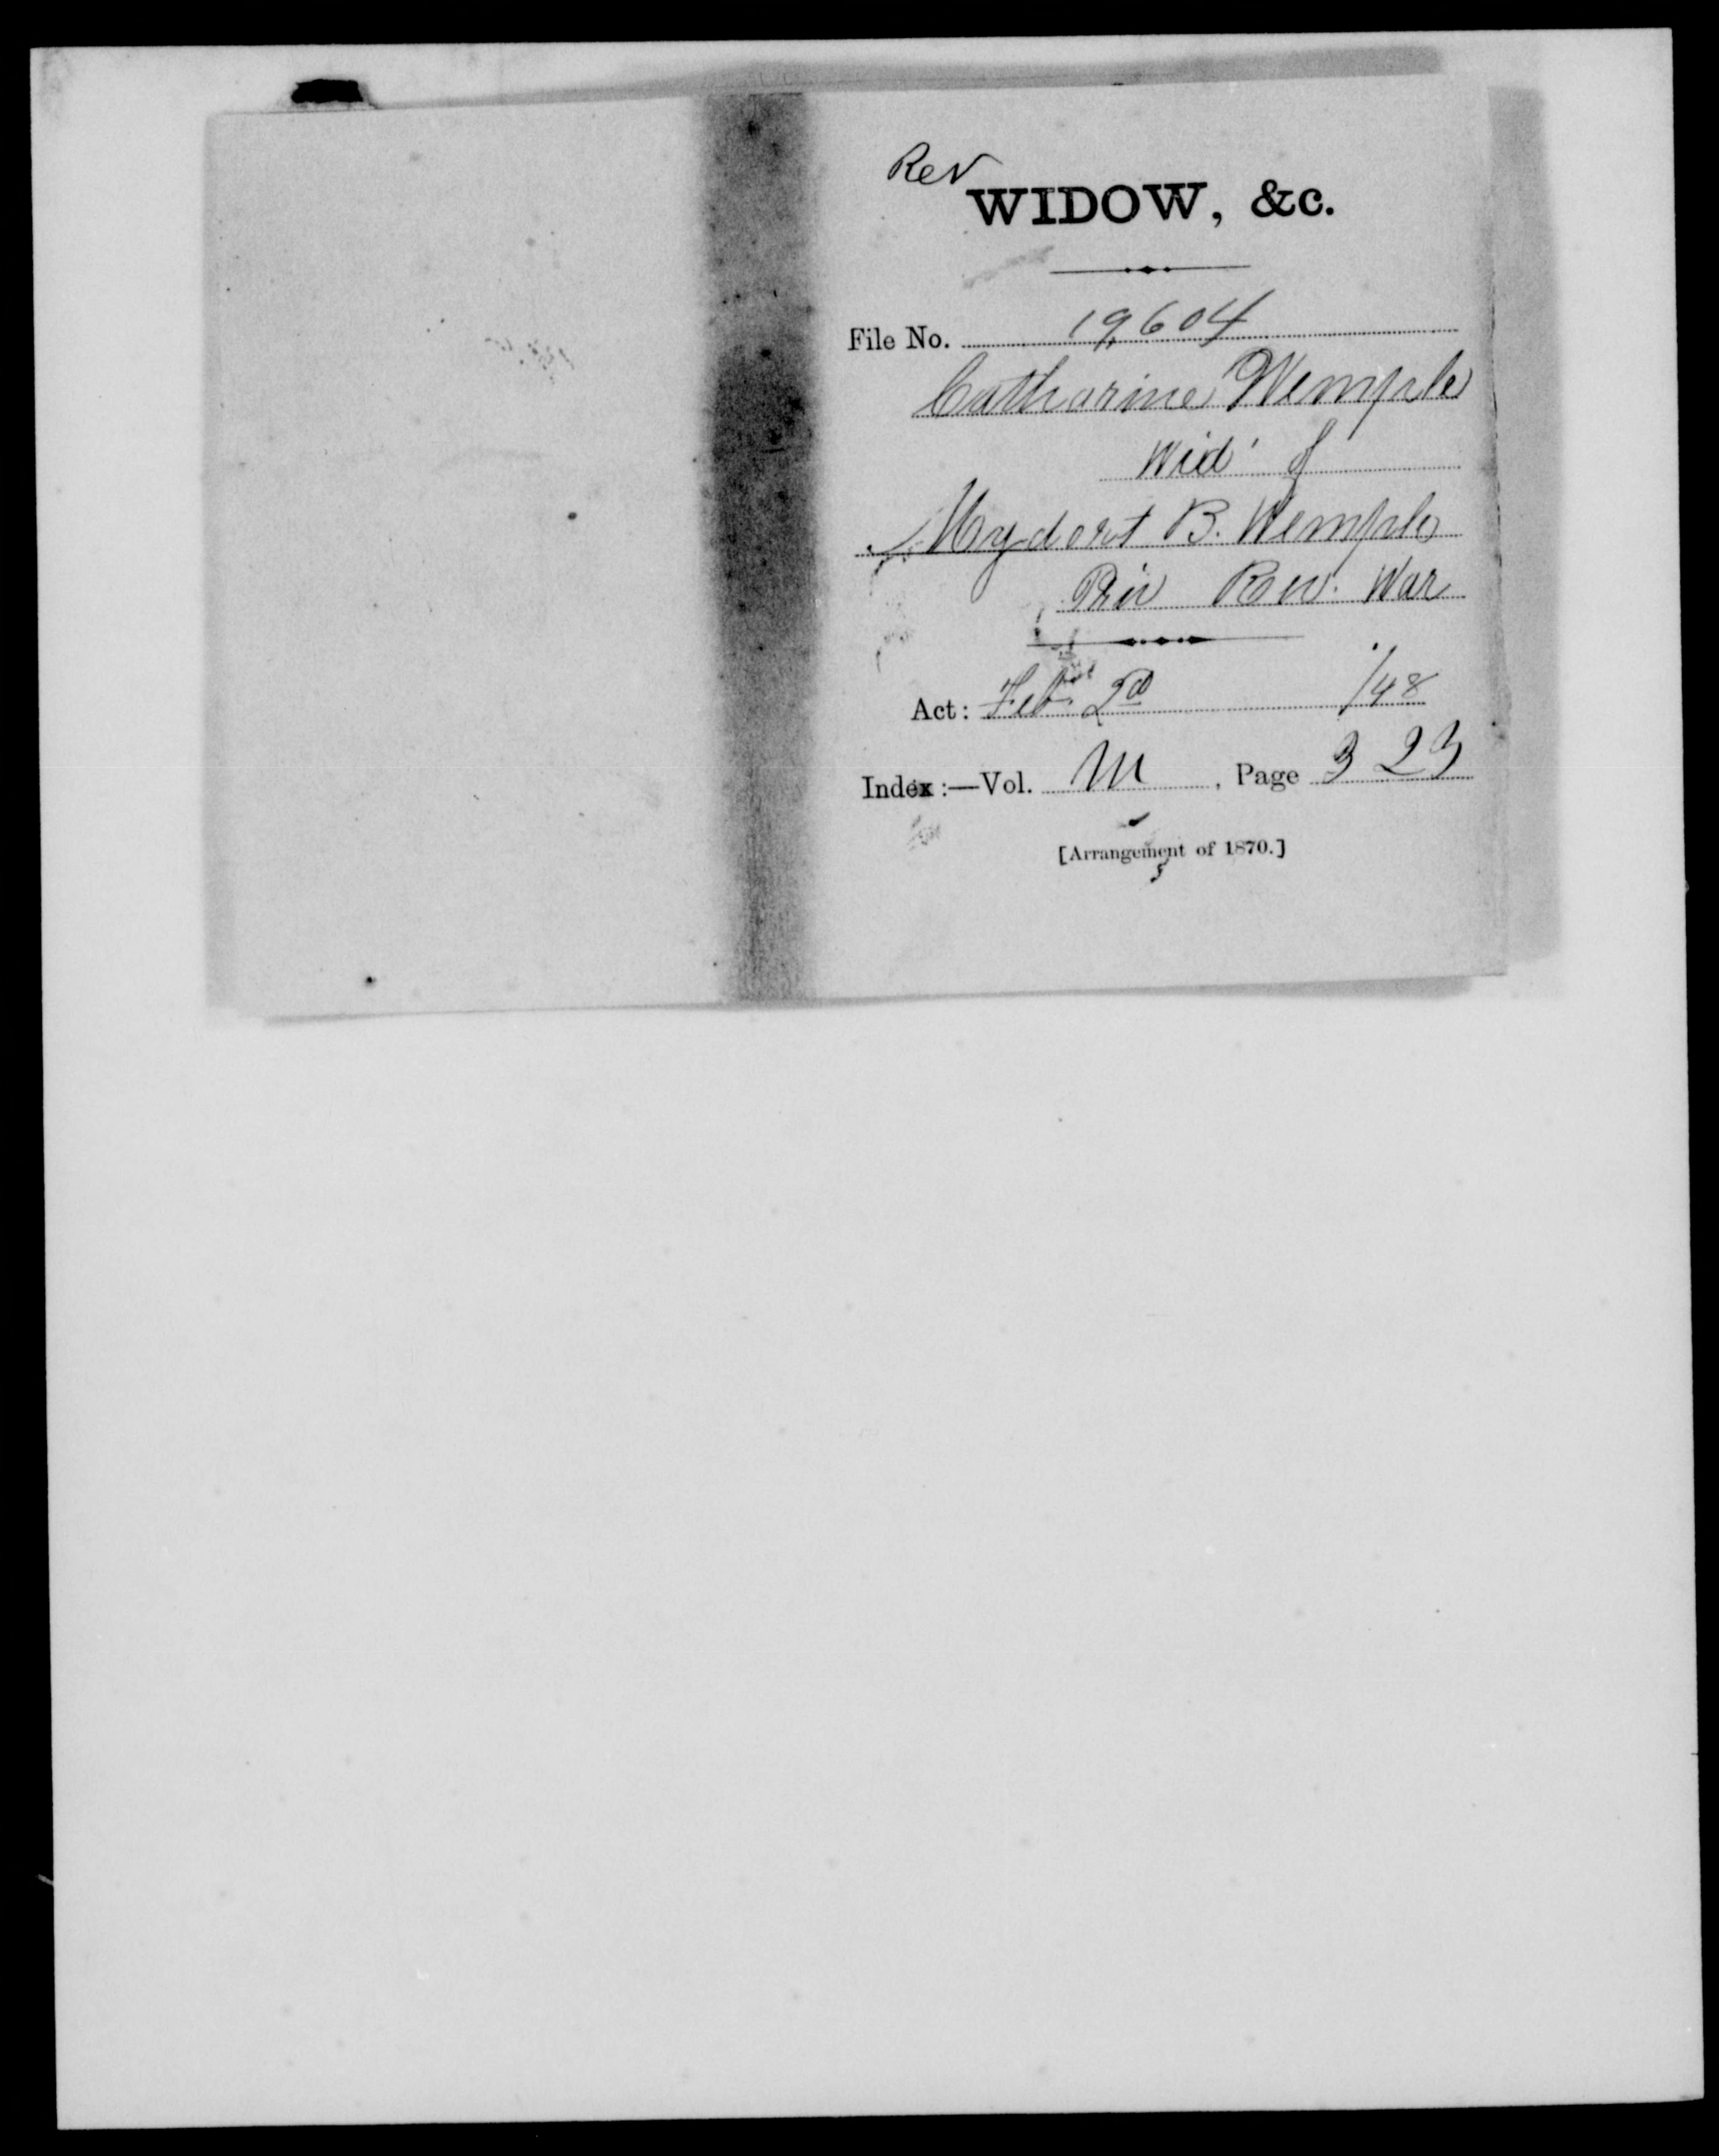Rev
WIDOW, &c.
File No.
19,604
Catharine Wemple
wid' of 
Mydert B Wemple
Priv Rev. War

Act: Feb 2d '/48
Index: -- Vol. W, Page 323
[Arrangement of 1870.]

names: Mydert B Wemple, Catharine Wemple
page: 42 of 51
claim: widow's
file: W. 19604, Myndert B Wemple, New York